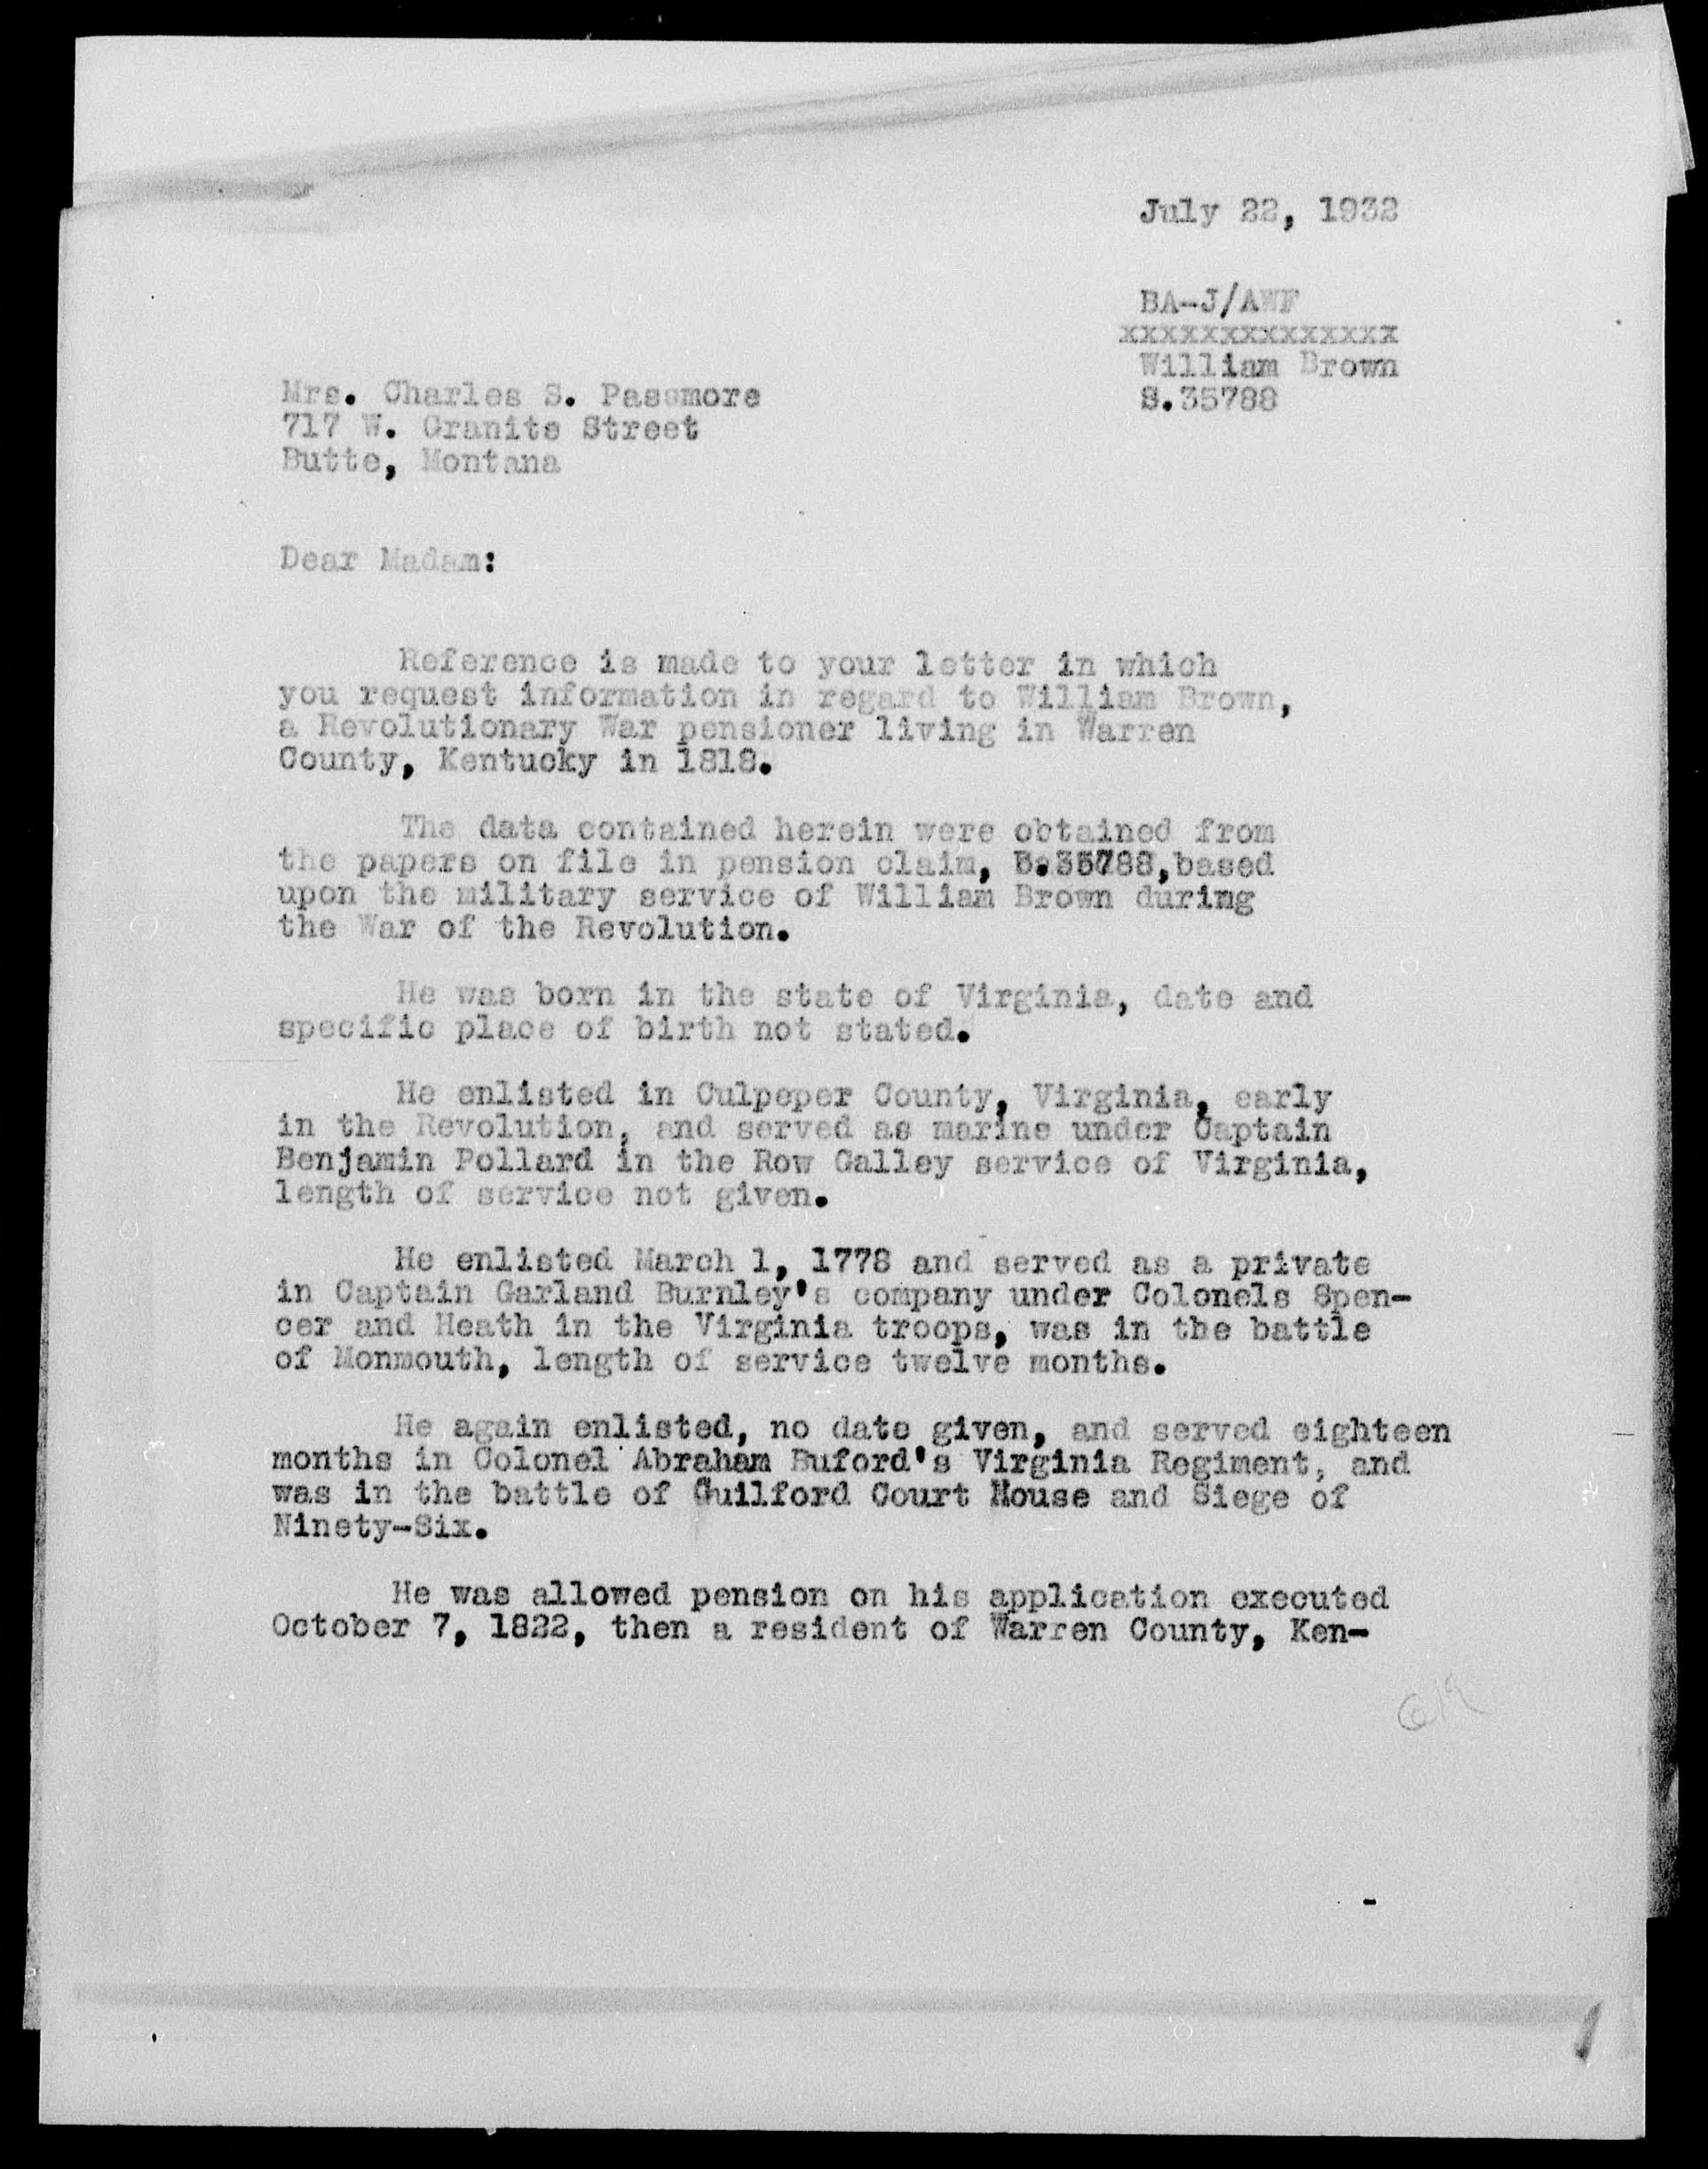July,22, 1932

BA-J/AWF
xxxxxxxxxxxxxx
William Brown
Mrs. Charles S. Passmore            S.35788
717 W Granite Street
Butte, Montana

Dear Madam:

Reference is made to your letter in which
you request information in regard to William Brown,
a Revolutionary War pensioner living in Warren
County, Kentucky in1818.

The data contained herein were obtained from 
the  papers on file in pension claim, B.35788, based upon the military service of William Brown during
the War of the Revolution.

He was born in the state of Virginia, date and
specific place of birth not stated.l

He enlisted in Culpepper County, Virginia, early
in the Revolution, and served as marine under Captain
Benjamin Pollard in the Row Galley service of Virginia,
length of service not given.

He enlisted March 1,1778 and served as a private
in Captain Garland Burnley's company under Colonels Spen-
cer and Heath in the Virginia troops, was in the battle  
of Monmouth, length of service twelve months.

He again enlisted, no date given, and served eighteen
months  in Colonel Abraham Buford's Virginia Regiment and
was in the battle of Guilford Court House and                    Siege of Ninety-Six.

He was allowed pension  on his application executed
October 7, 1822, then a resident of Warren County, Ken-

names: William Brown, Charles S Passmore, William Brown, William Brown, Benjamin Pollard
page: 13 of 21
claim: survivor's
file: S. 35,788, William Brown, Va.